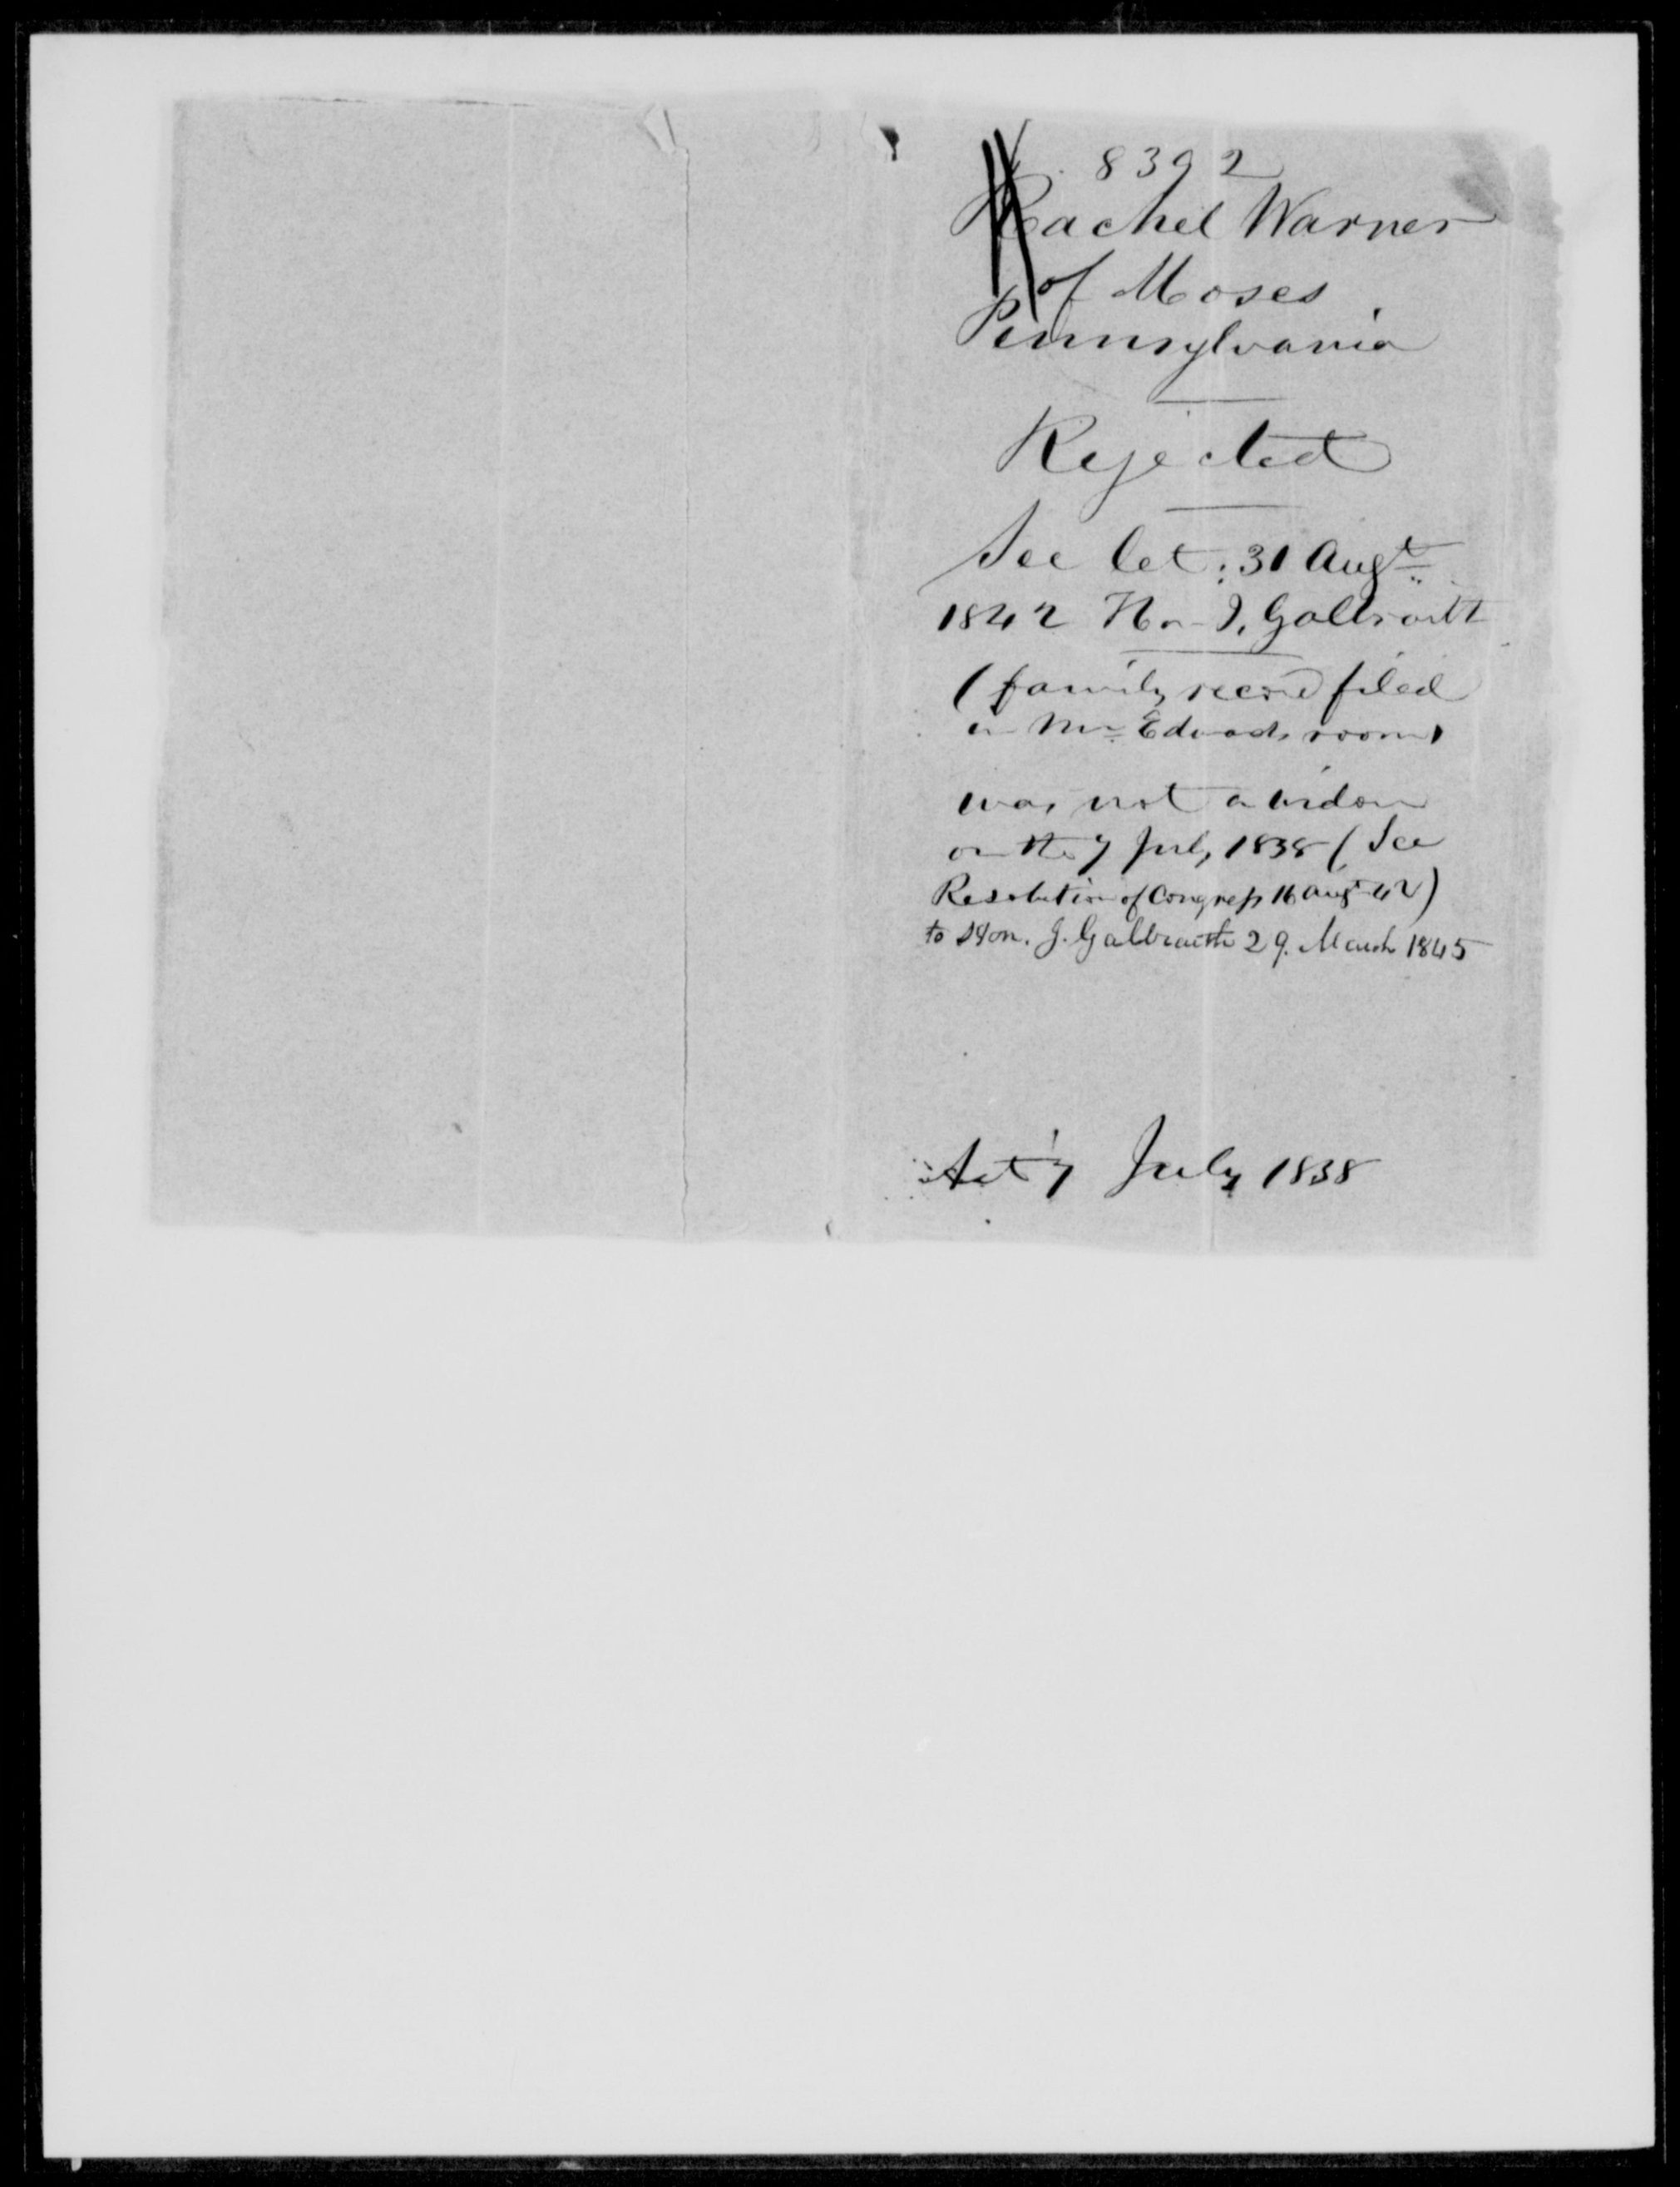8392
Rachel Warner
of Moses
Pennsylvania
-----------
Rejected
-----------
See let: 31 Augt 1842  
Hon. J. Galbraith
------------
(family record filed
 in Mr. Edwards room)

was not a widow
on the 7 July 1838 (See
Resolution of Congress 16 Augt 42)
to Hon. J. Galbraith  29 March 1845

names: Rachel Warner, J Galbraith, Edwards, J Galbraith, Moses Warner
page: 36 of 40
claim: widow's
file: W. 3742, Moses Warner, Conn.